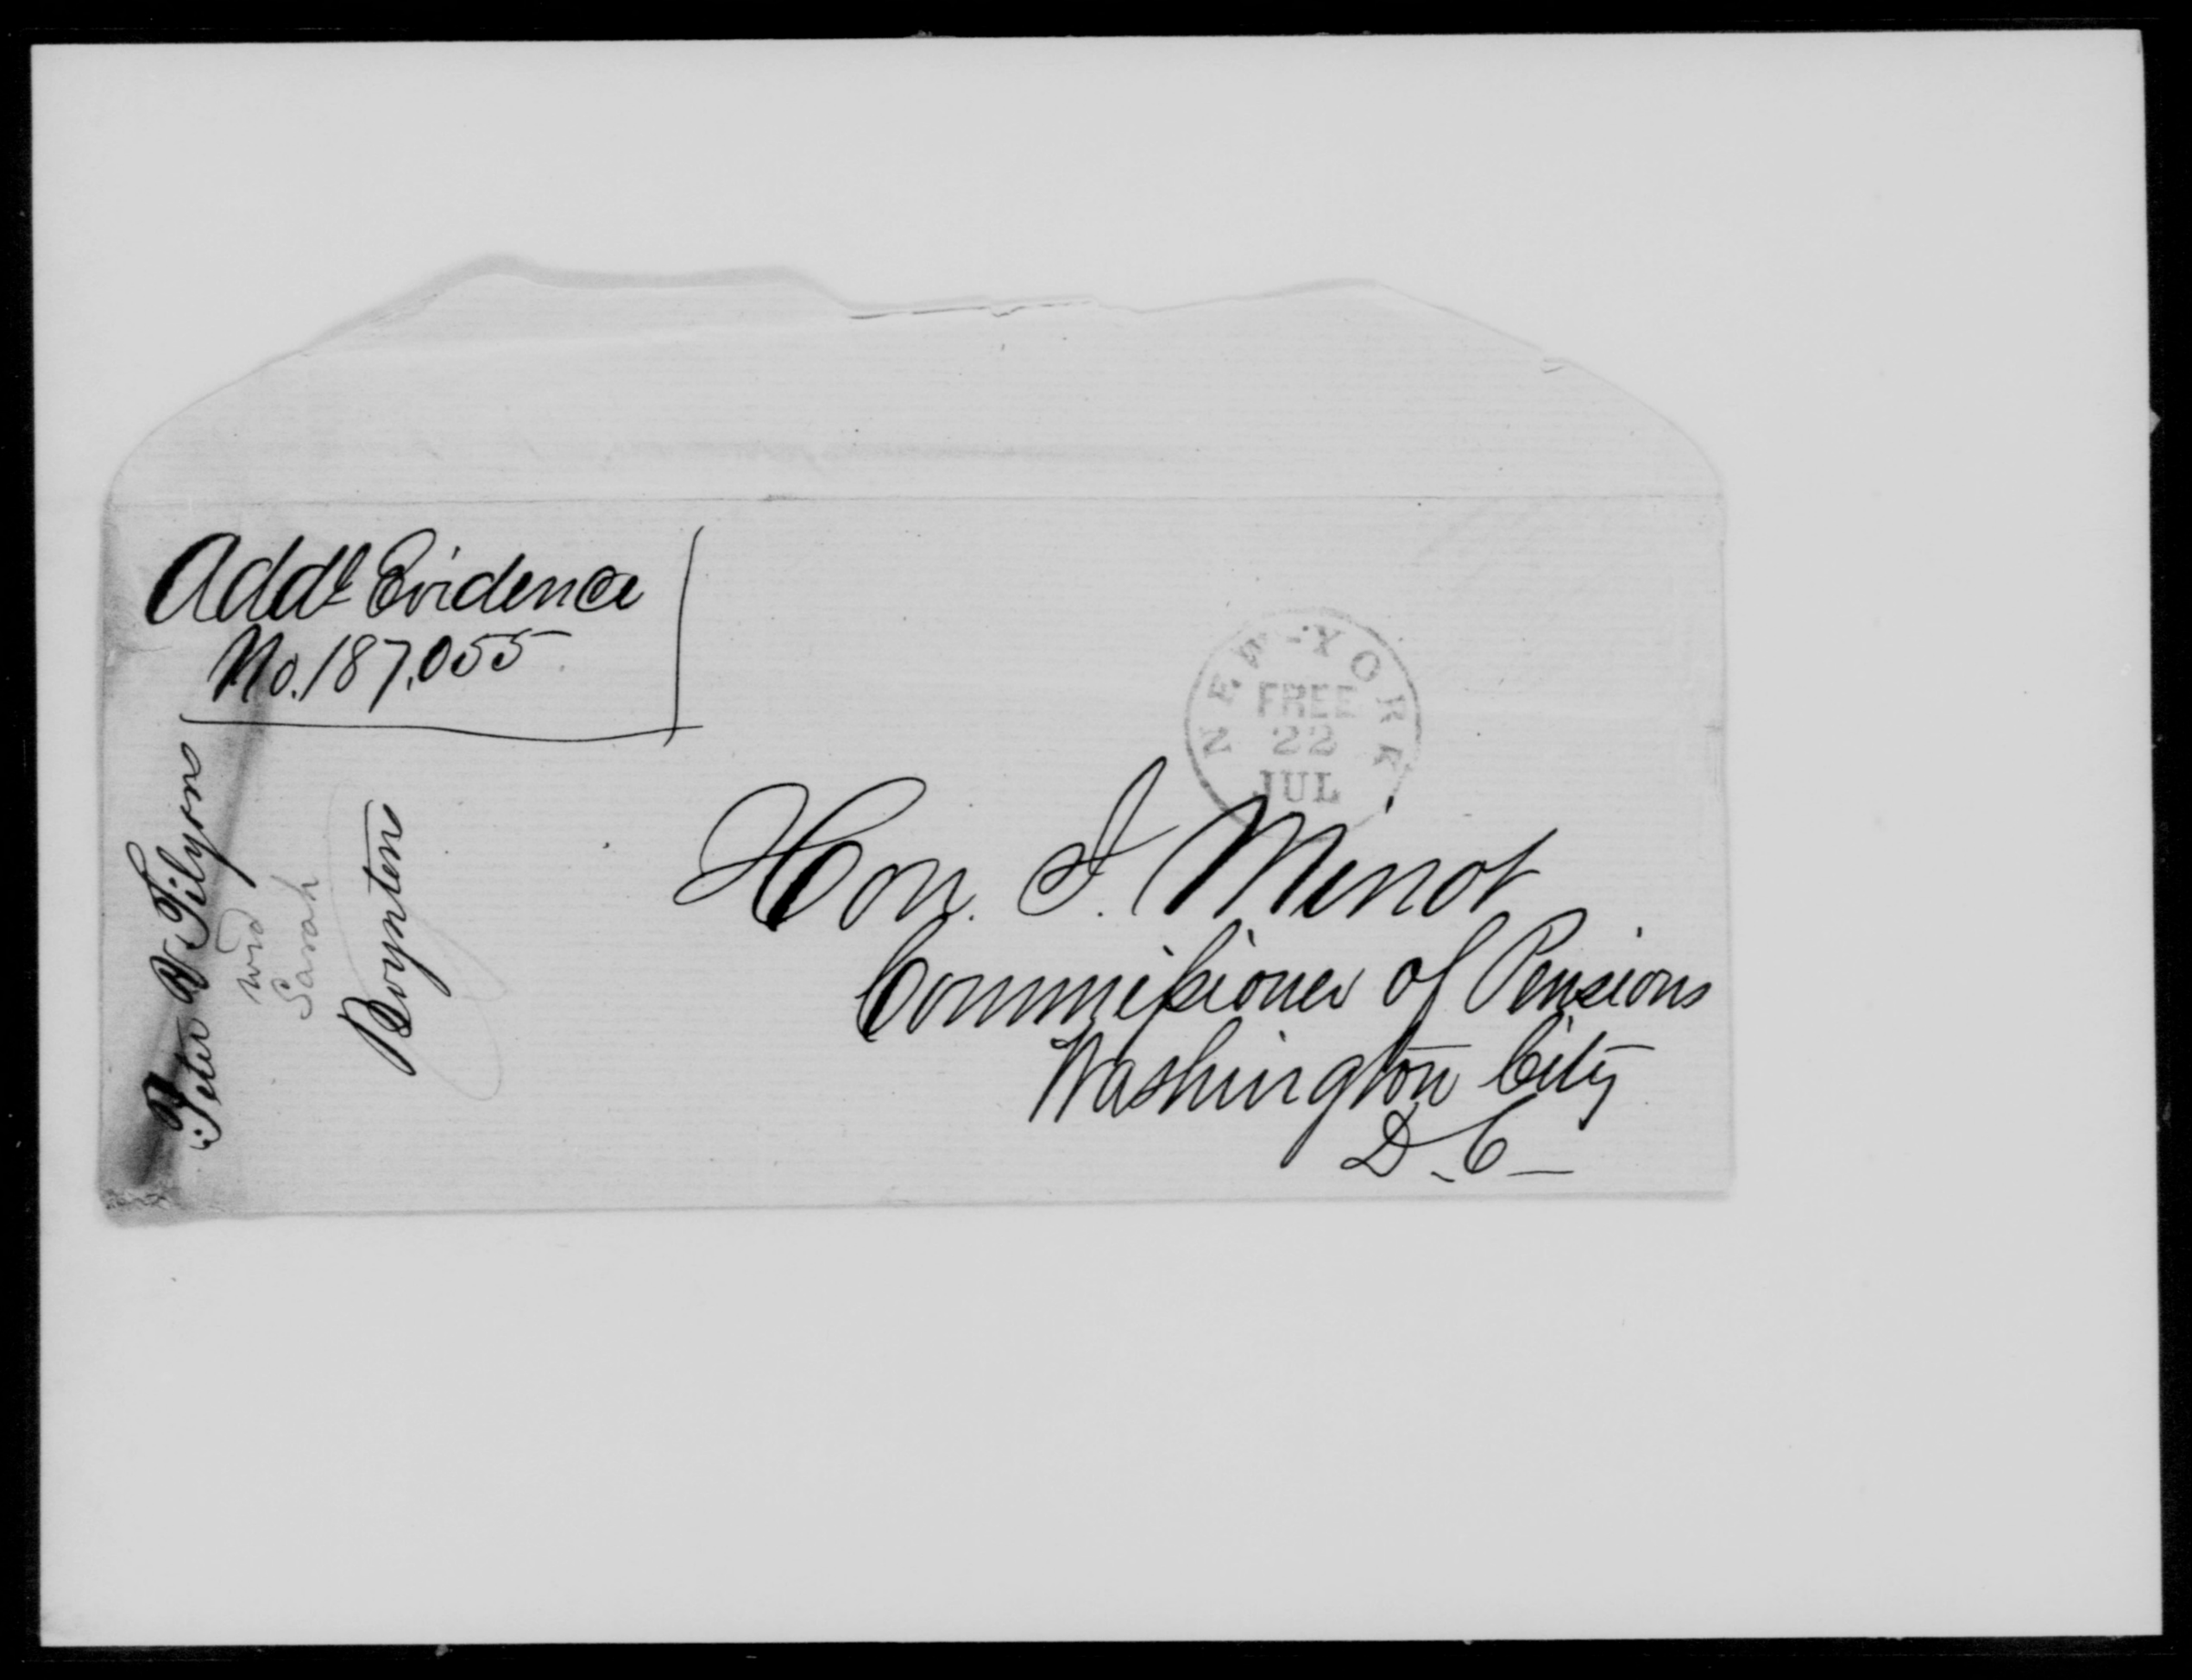Addl Evidence
No. 187.055
 Hon. J. Minot
Commissioner of Pensions
Washington City D.C.

[postal mark] NEW YORK JUL 22  FREE

[on side] Peter V. Tilyous
 wid Sarah

Boynton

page: 52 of 101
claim: widow's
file: W. 25481, for Peter V Tilyou, New Jersey